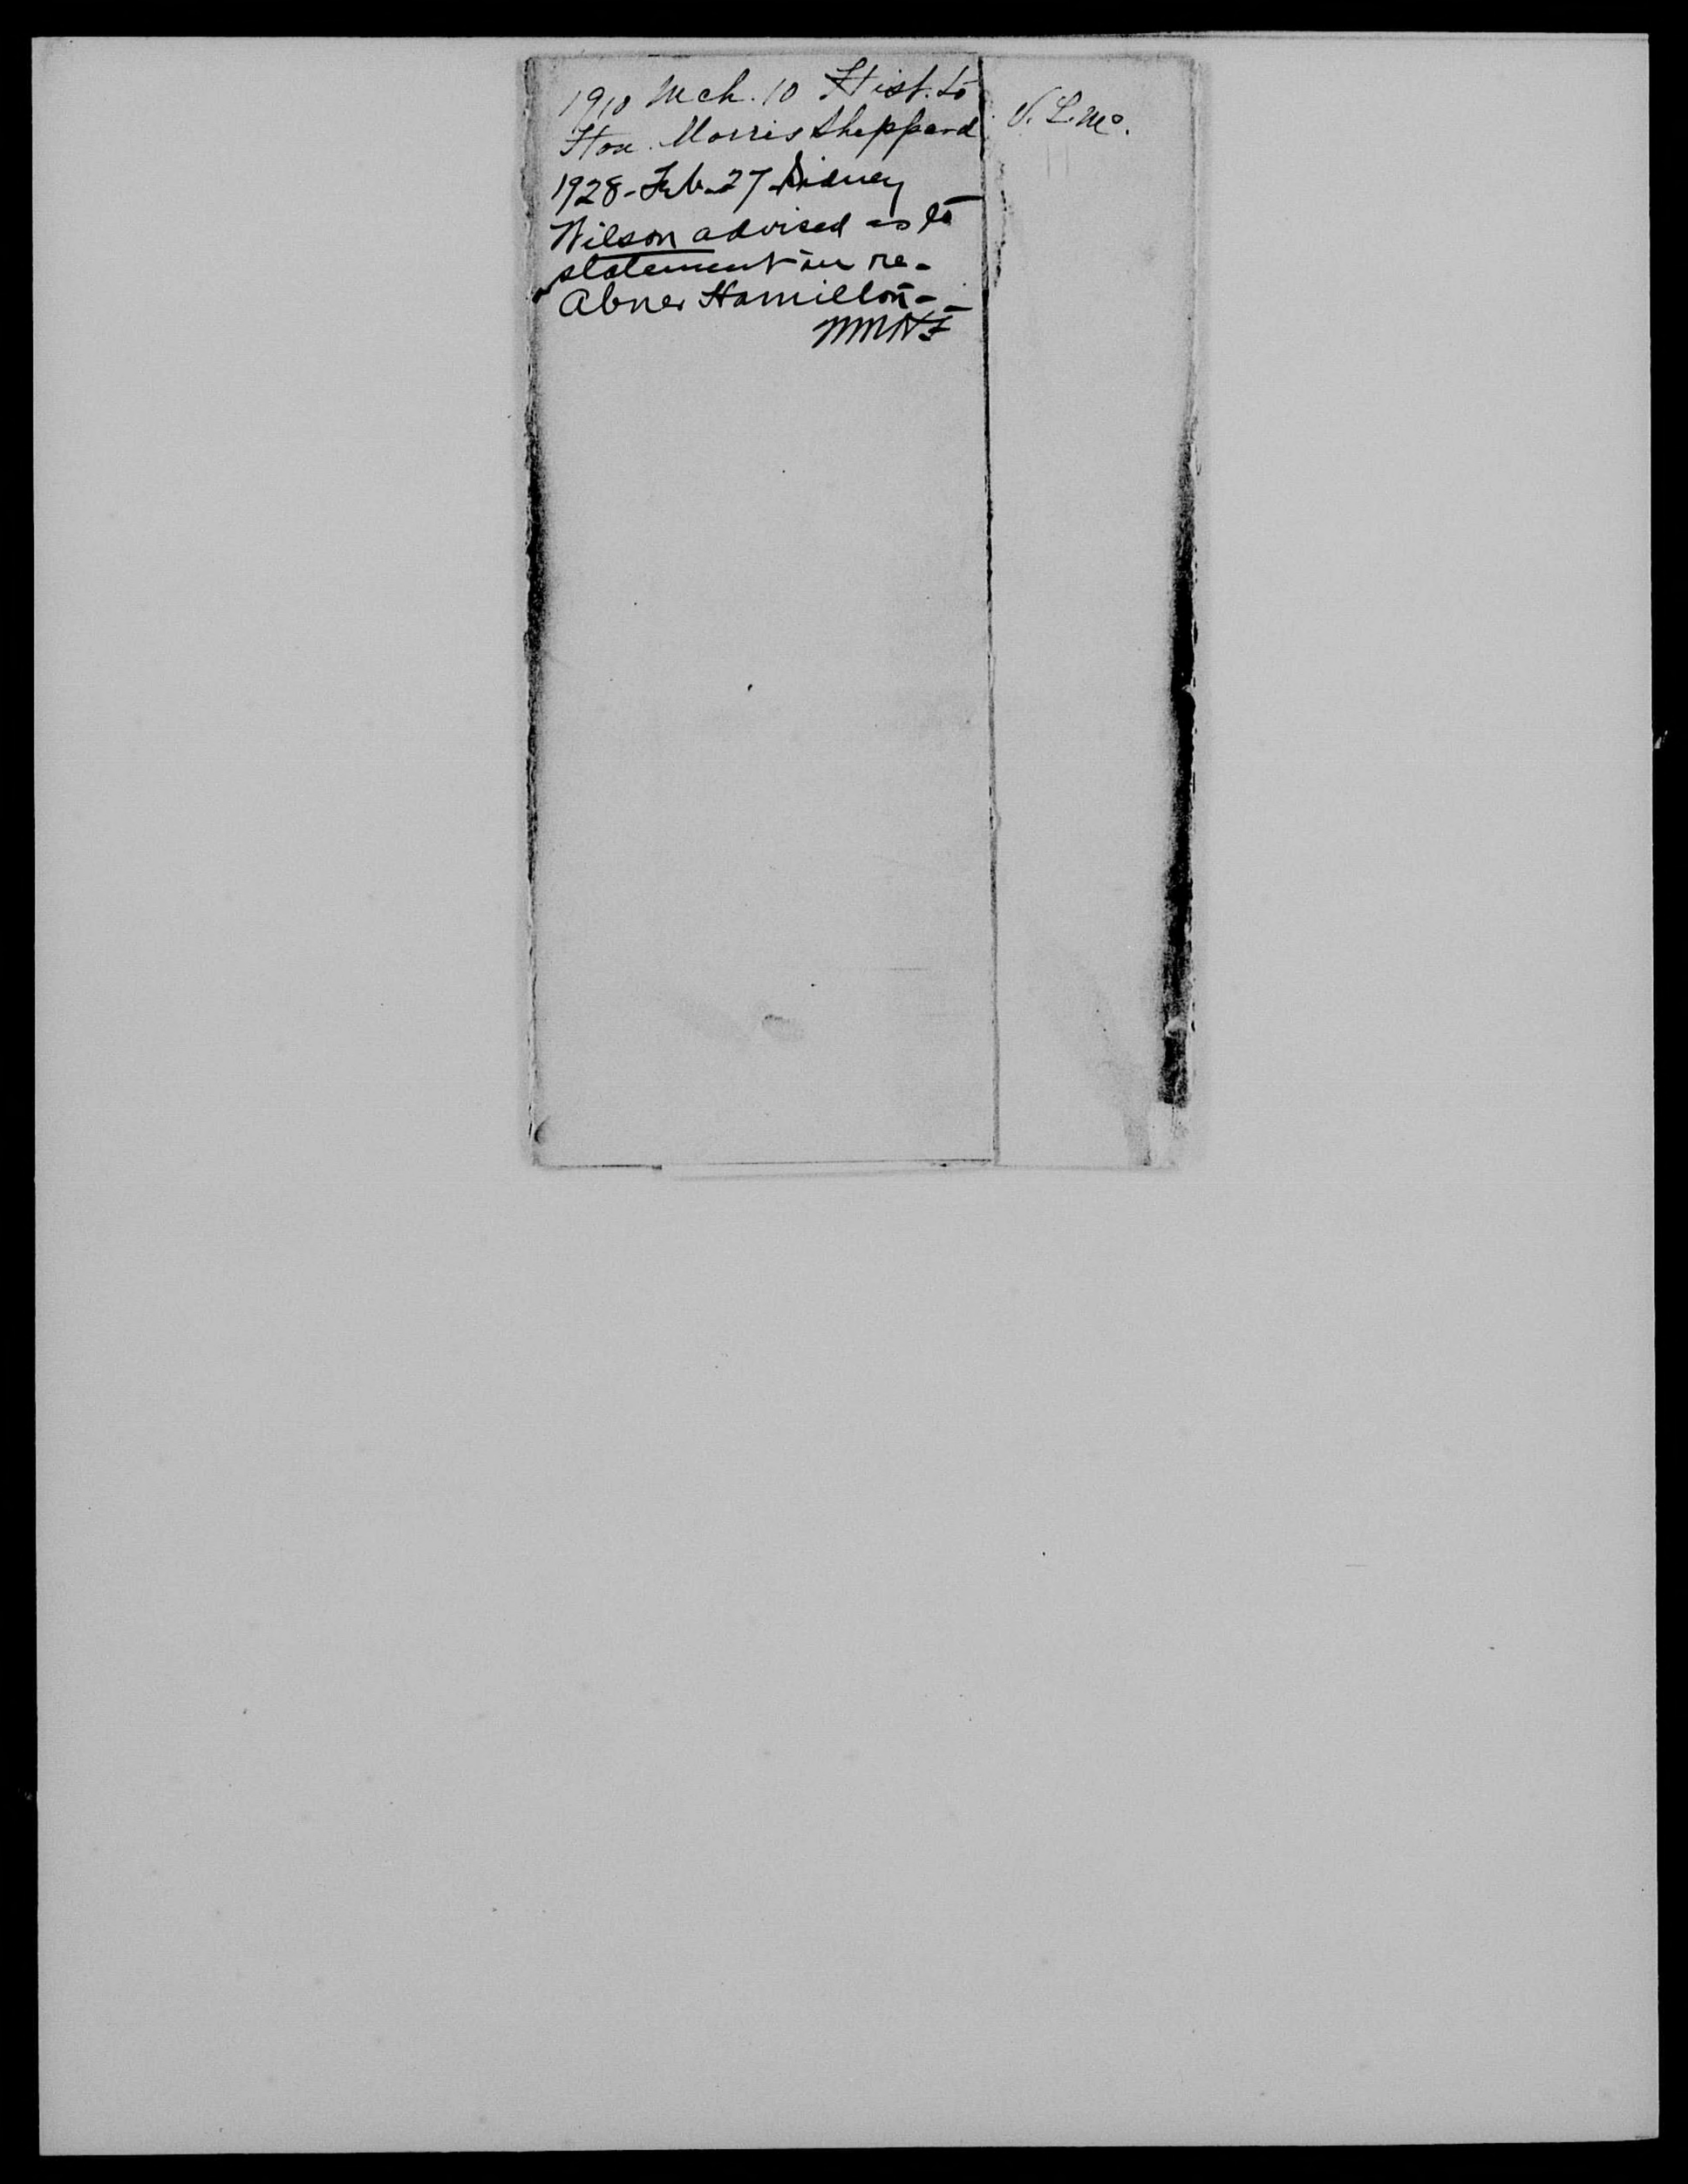1910 March 10 History to Hon. Morris Sheppard V.L.M.
1928 February 27 Sidney Neilson advised as to statement in reference to Abner Hamilton
M.M.H.S.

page: 15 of 21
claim: survivor's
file: S. 41223, for Joseph Sutton, Virginia